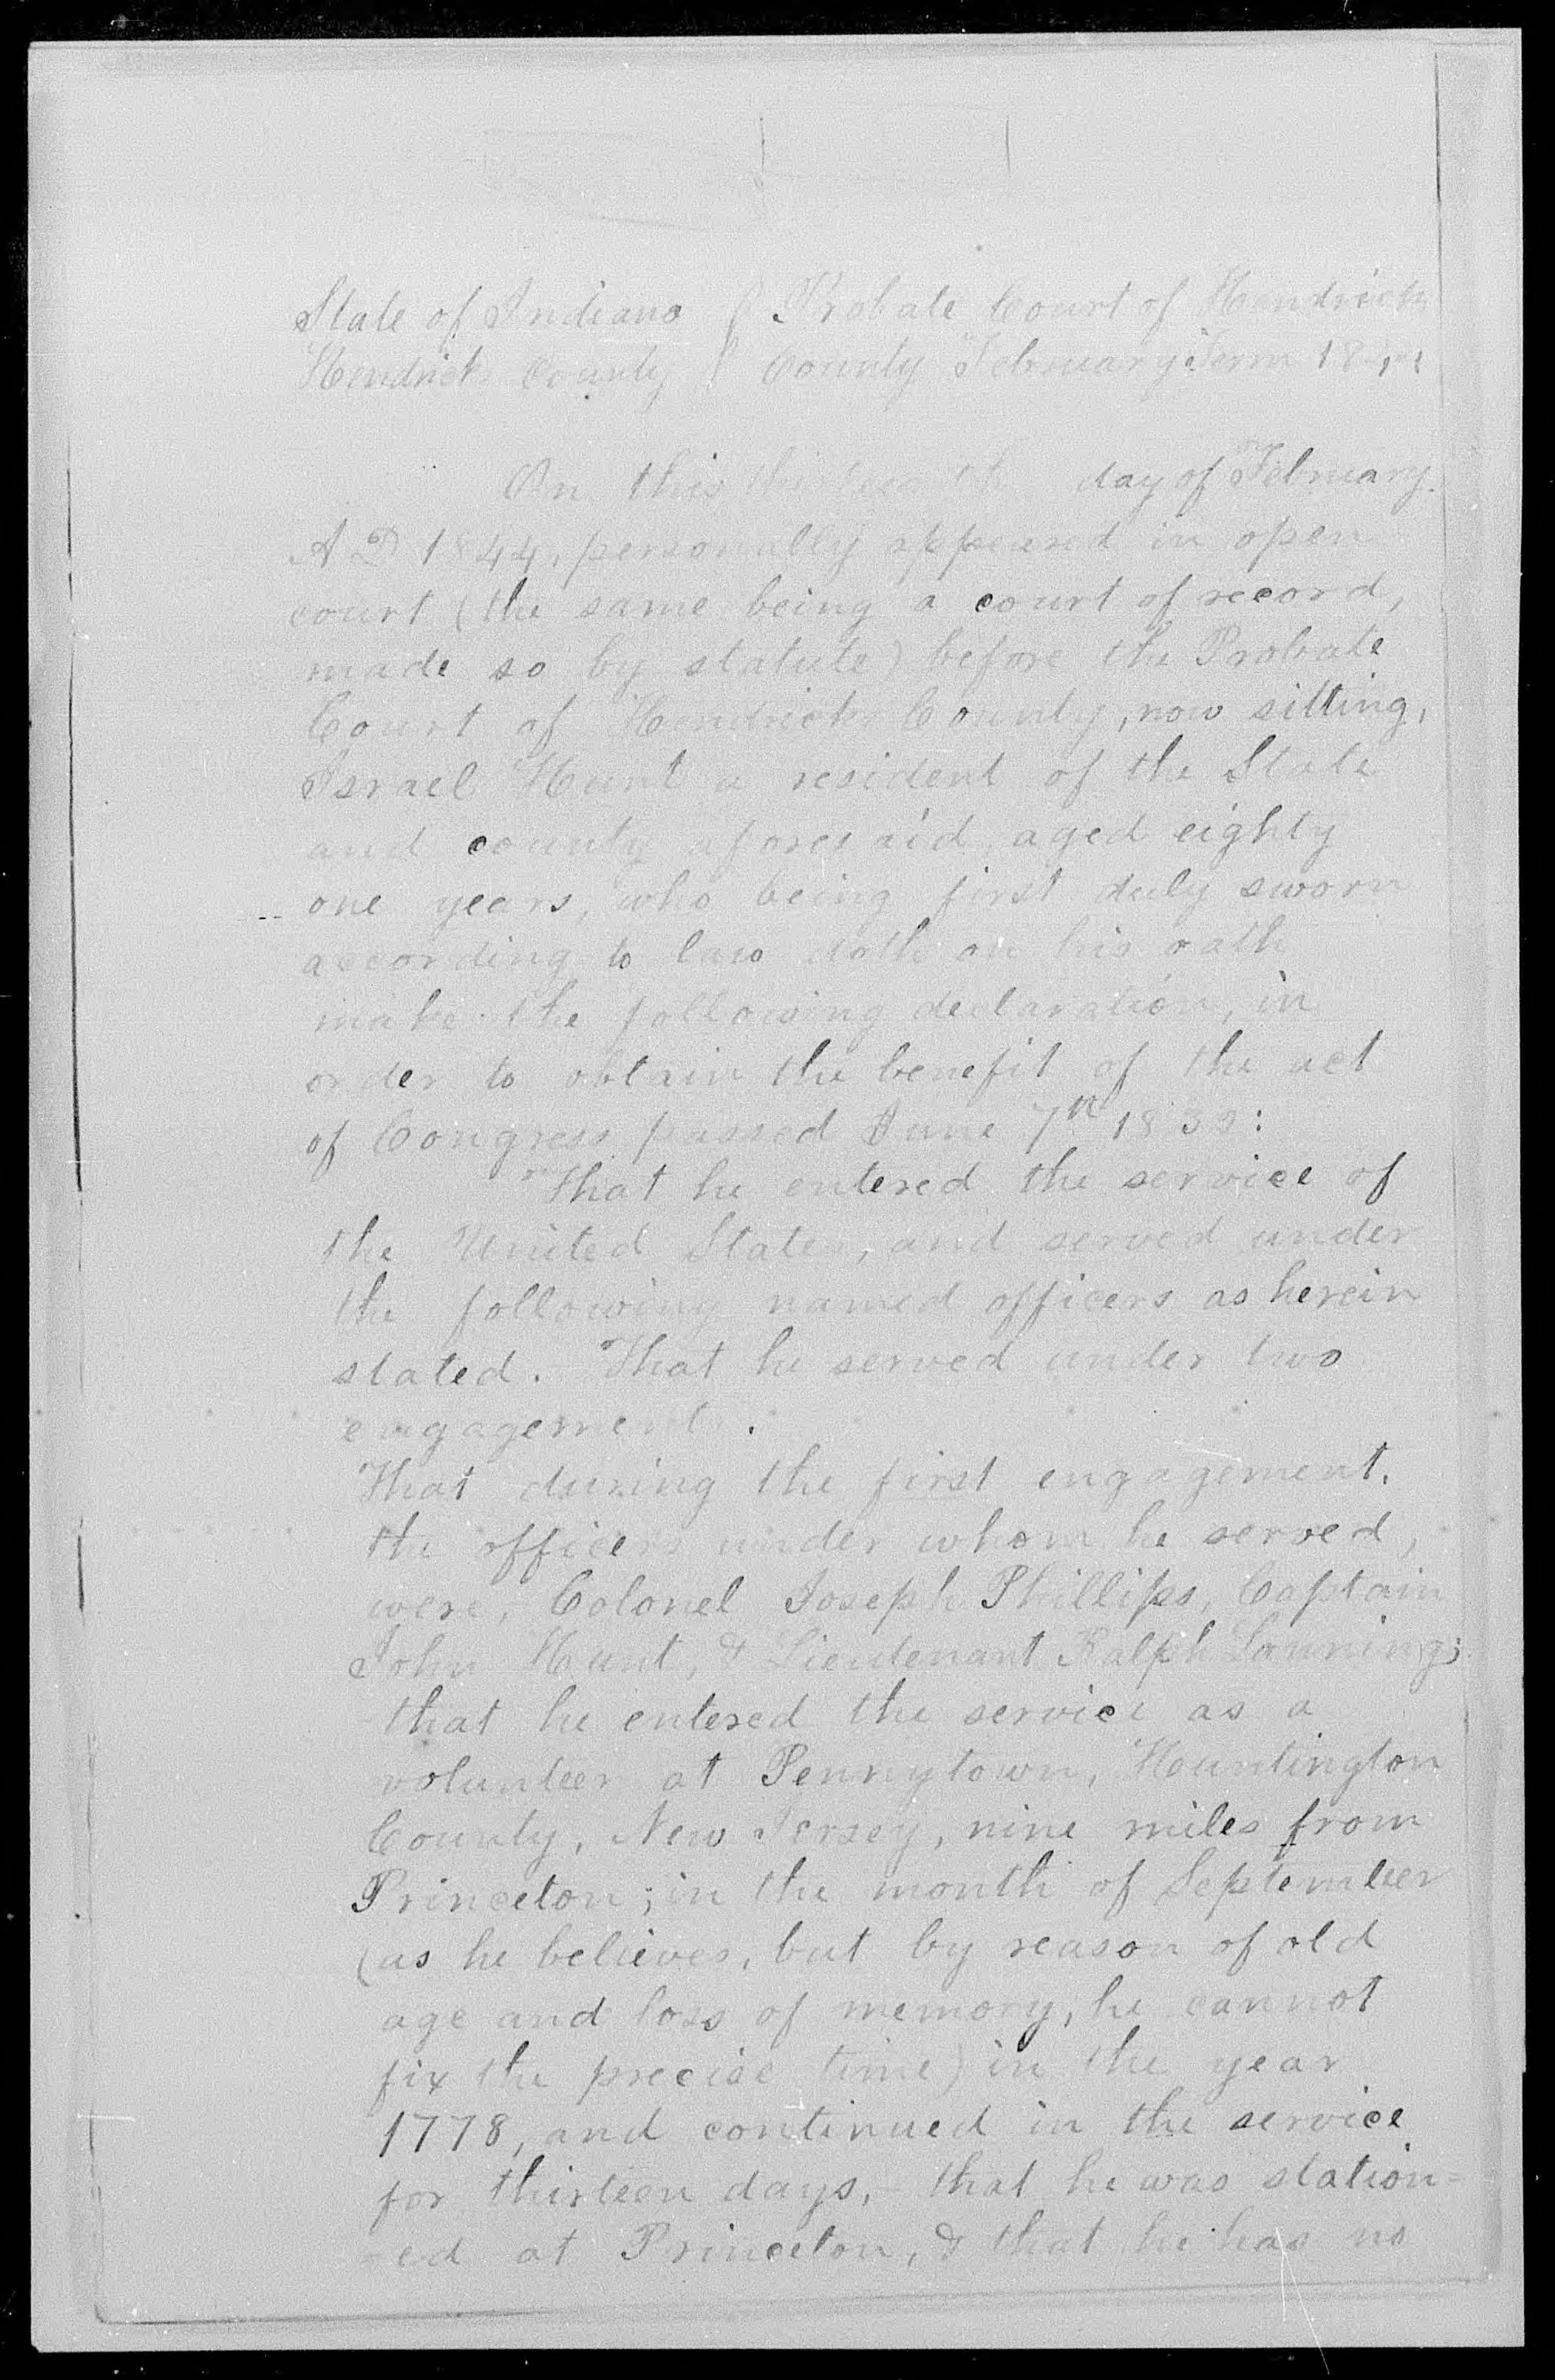State of Indiana
Hendrick County
Probate Court of Hendrick County
February four 1844
On this the fourth day of February A.D. 1844 personally appeared in open court, the same being a court of record made so by statute, before the Probate Court of Hendrick County, now sitting Israel Hunt, a resident of the State and county aforesaid aged eighty one years who being first duly sworn according to law doth on his oath makes the following declaration in order to obtain the benefit of the act of Congress passed June 7th 1832:
That he entered the service of the United States, and served under the following named officers as herein stated.  That he served under two engagements.
That during the first engagement, the officer under whom he served was Colonel Joseph Phillips, Captain John Hunt, & Lieutenant Ralph Lannings.  That he entered the service as a volunteer at Pennytown, Huntington County, New Jersey, nine miles from Princeton, in the month of September (as he believes, but by reason of old age and loss of memory, he cannot fix the precise time) in the year 1778, and continued in the service for thirteen days, that he was stationed at Princeton, & that he has no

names: Joseph Phillips; Ralph Lannings; John Hunt; Israel Hunt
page: 7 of 18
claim: rejected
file: R. 5393, for Israel Hunt, New Jersey